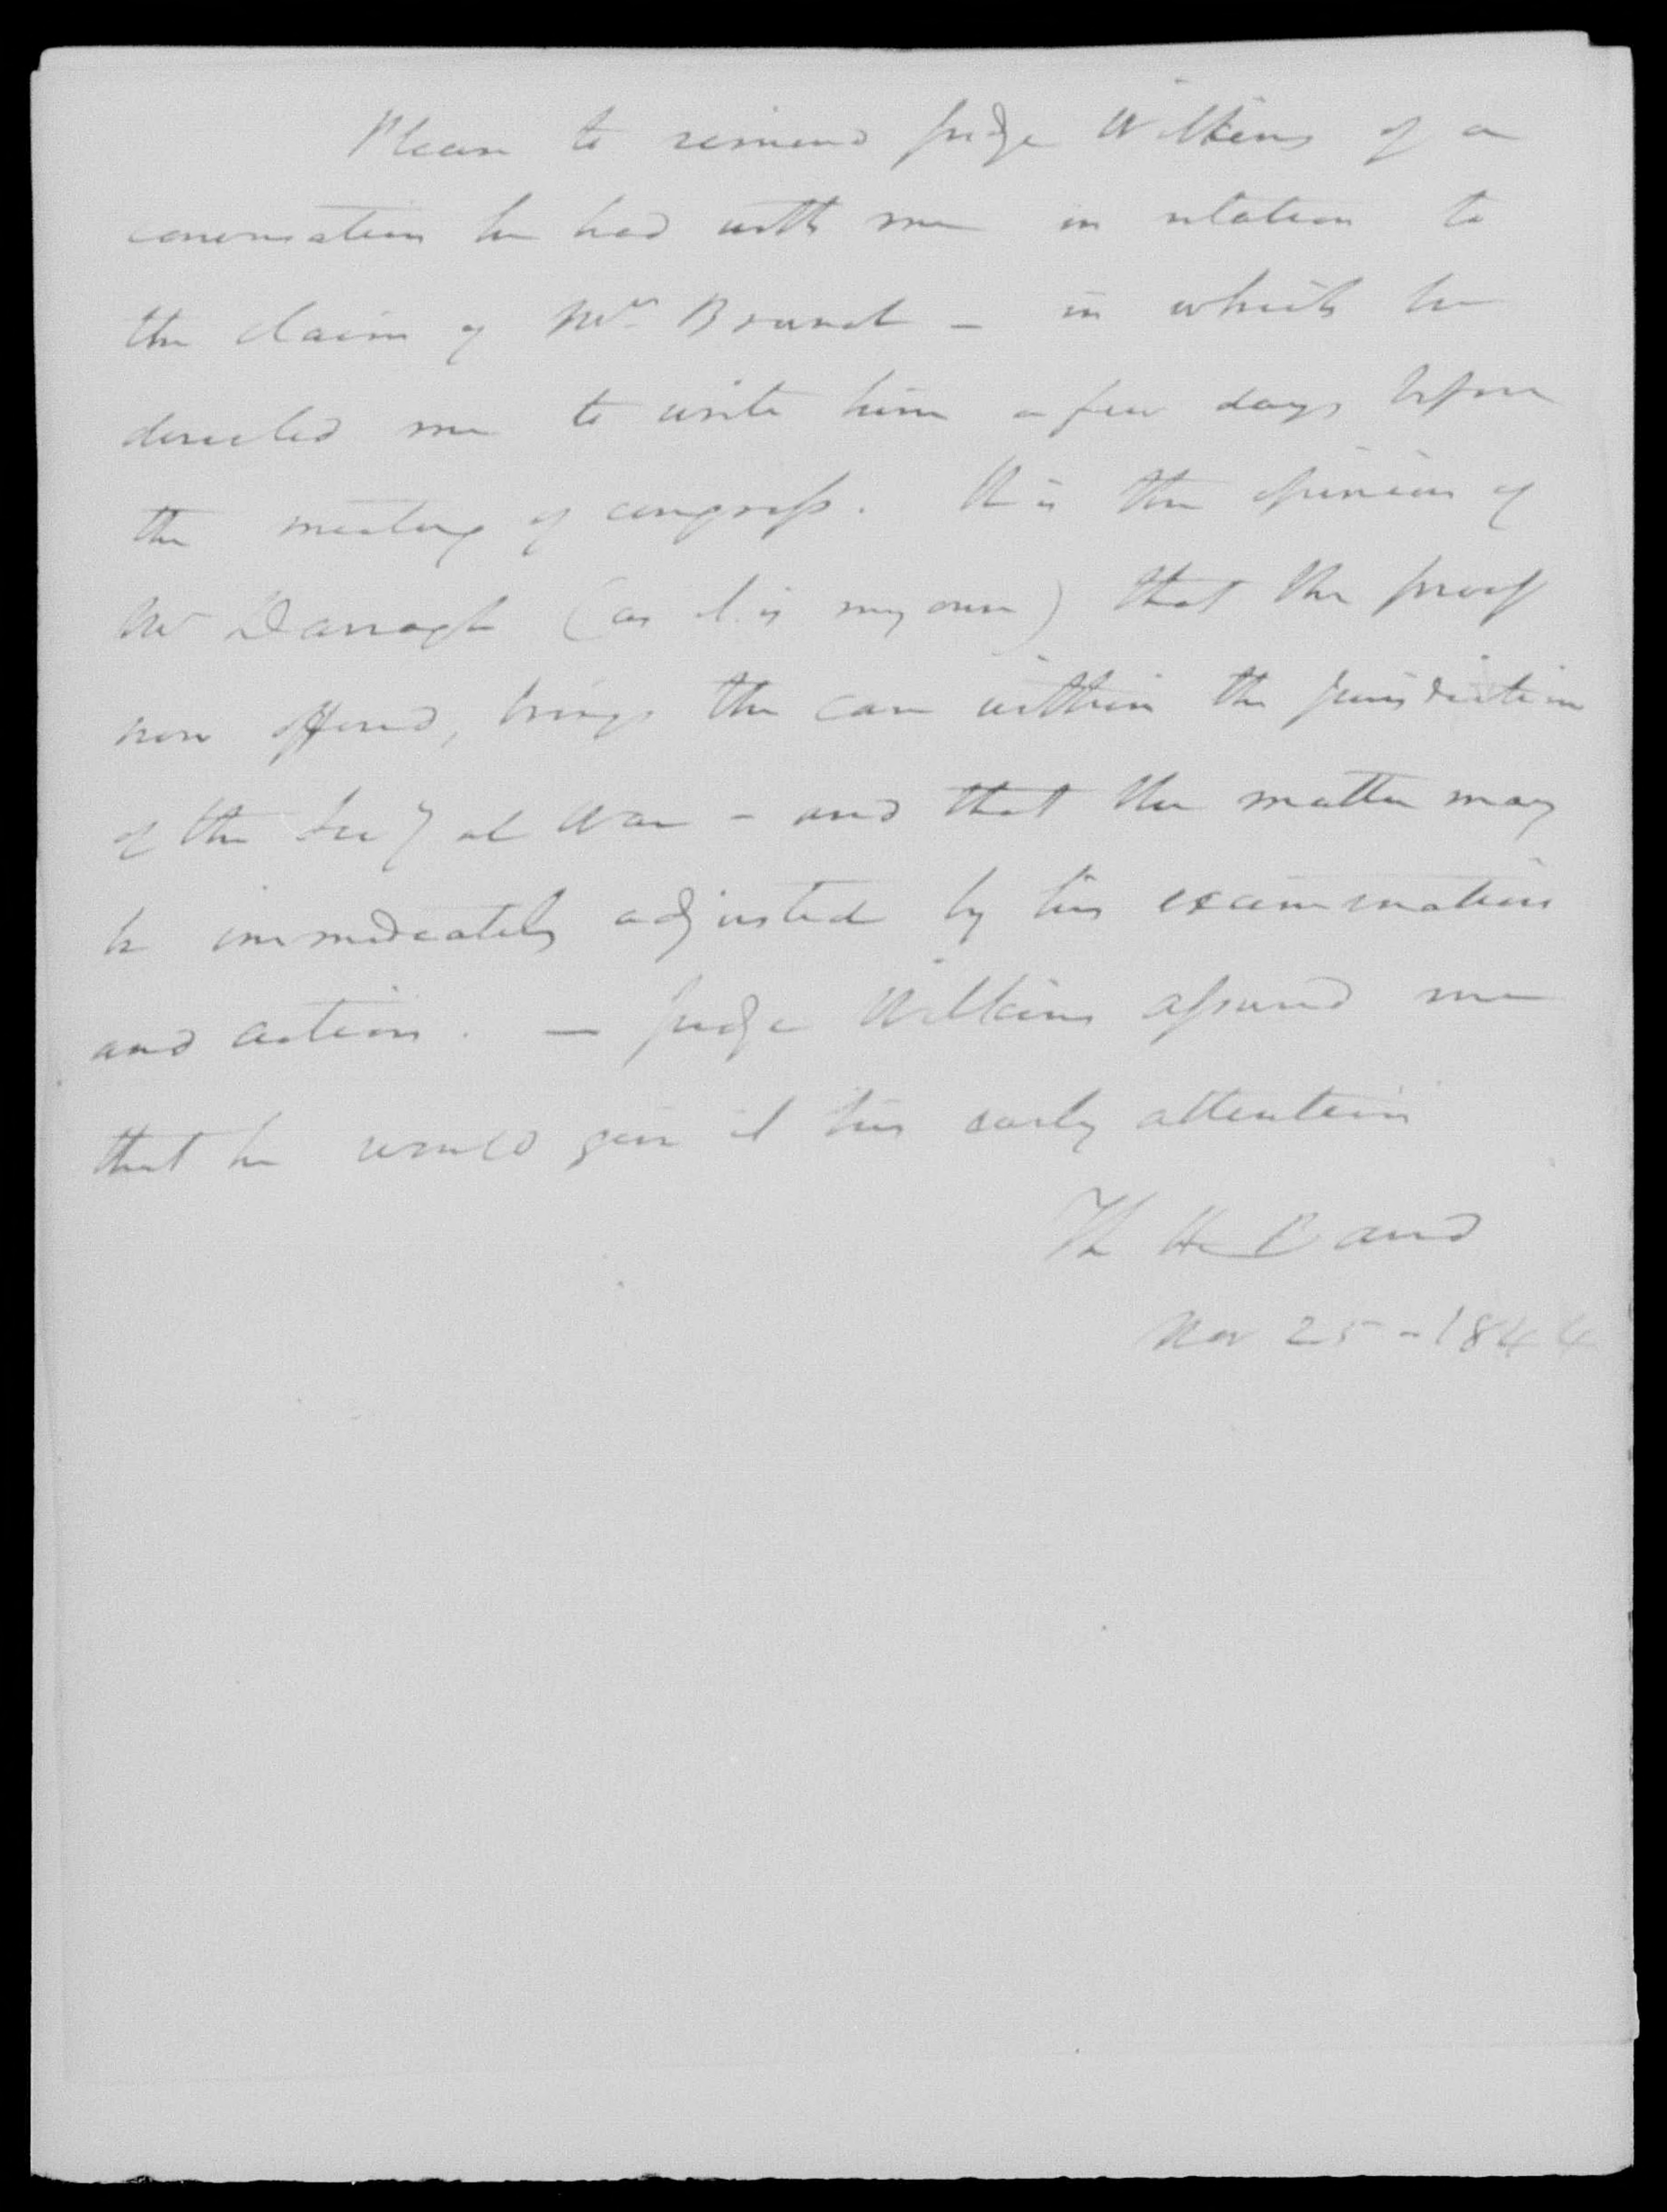Please to remind Judge Wilkins of a conversation he had with me in relation to the claim of Mr Brunot -  which he directed me to write him a few days before the meeting of congress. In the opinion of Mr Darragh (as is my own) that the proof now offered, brings the case within the jurisdiction of the Secy of War - and that the matter maybe immediately adjusted by his examination and action. Judge Williams assured me that he would give it his early attention
Th Heland
Nov 25 - 1844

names: Th Heland, Wilkins, Darragh, Brunot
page: 32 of 34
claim: rejected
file: R. 1371, Felix Brunot, Penn.